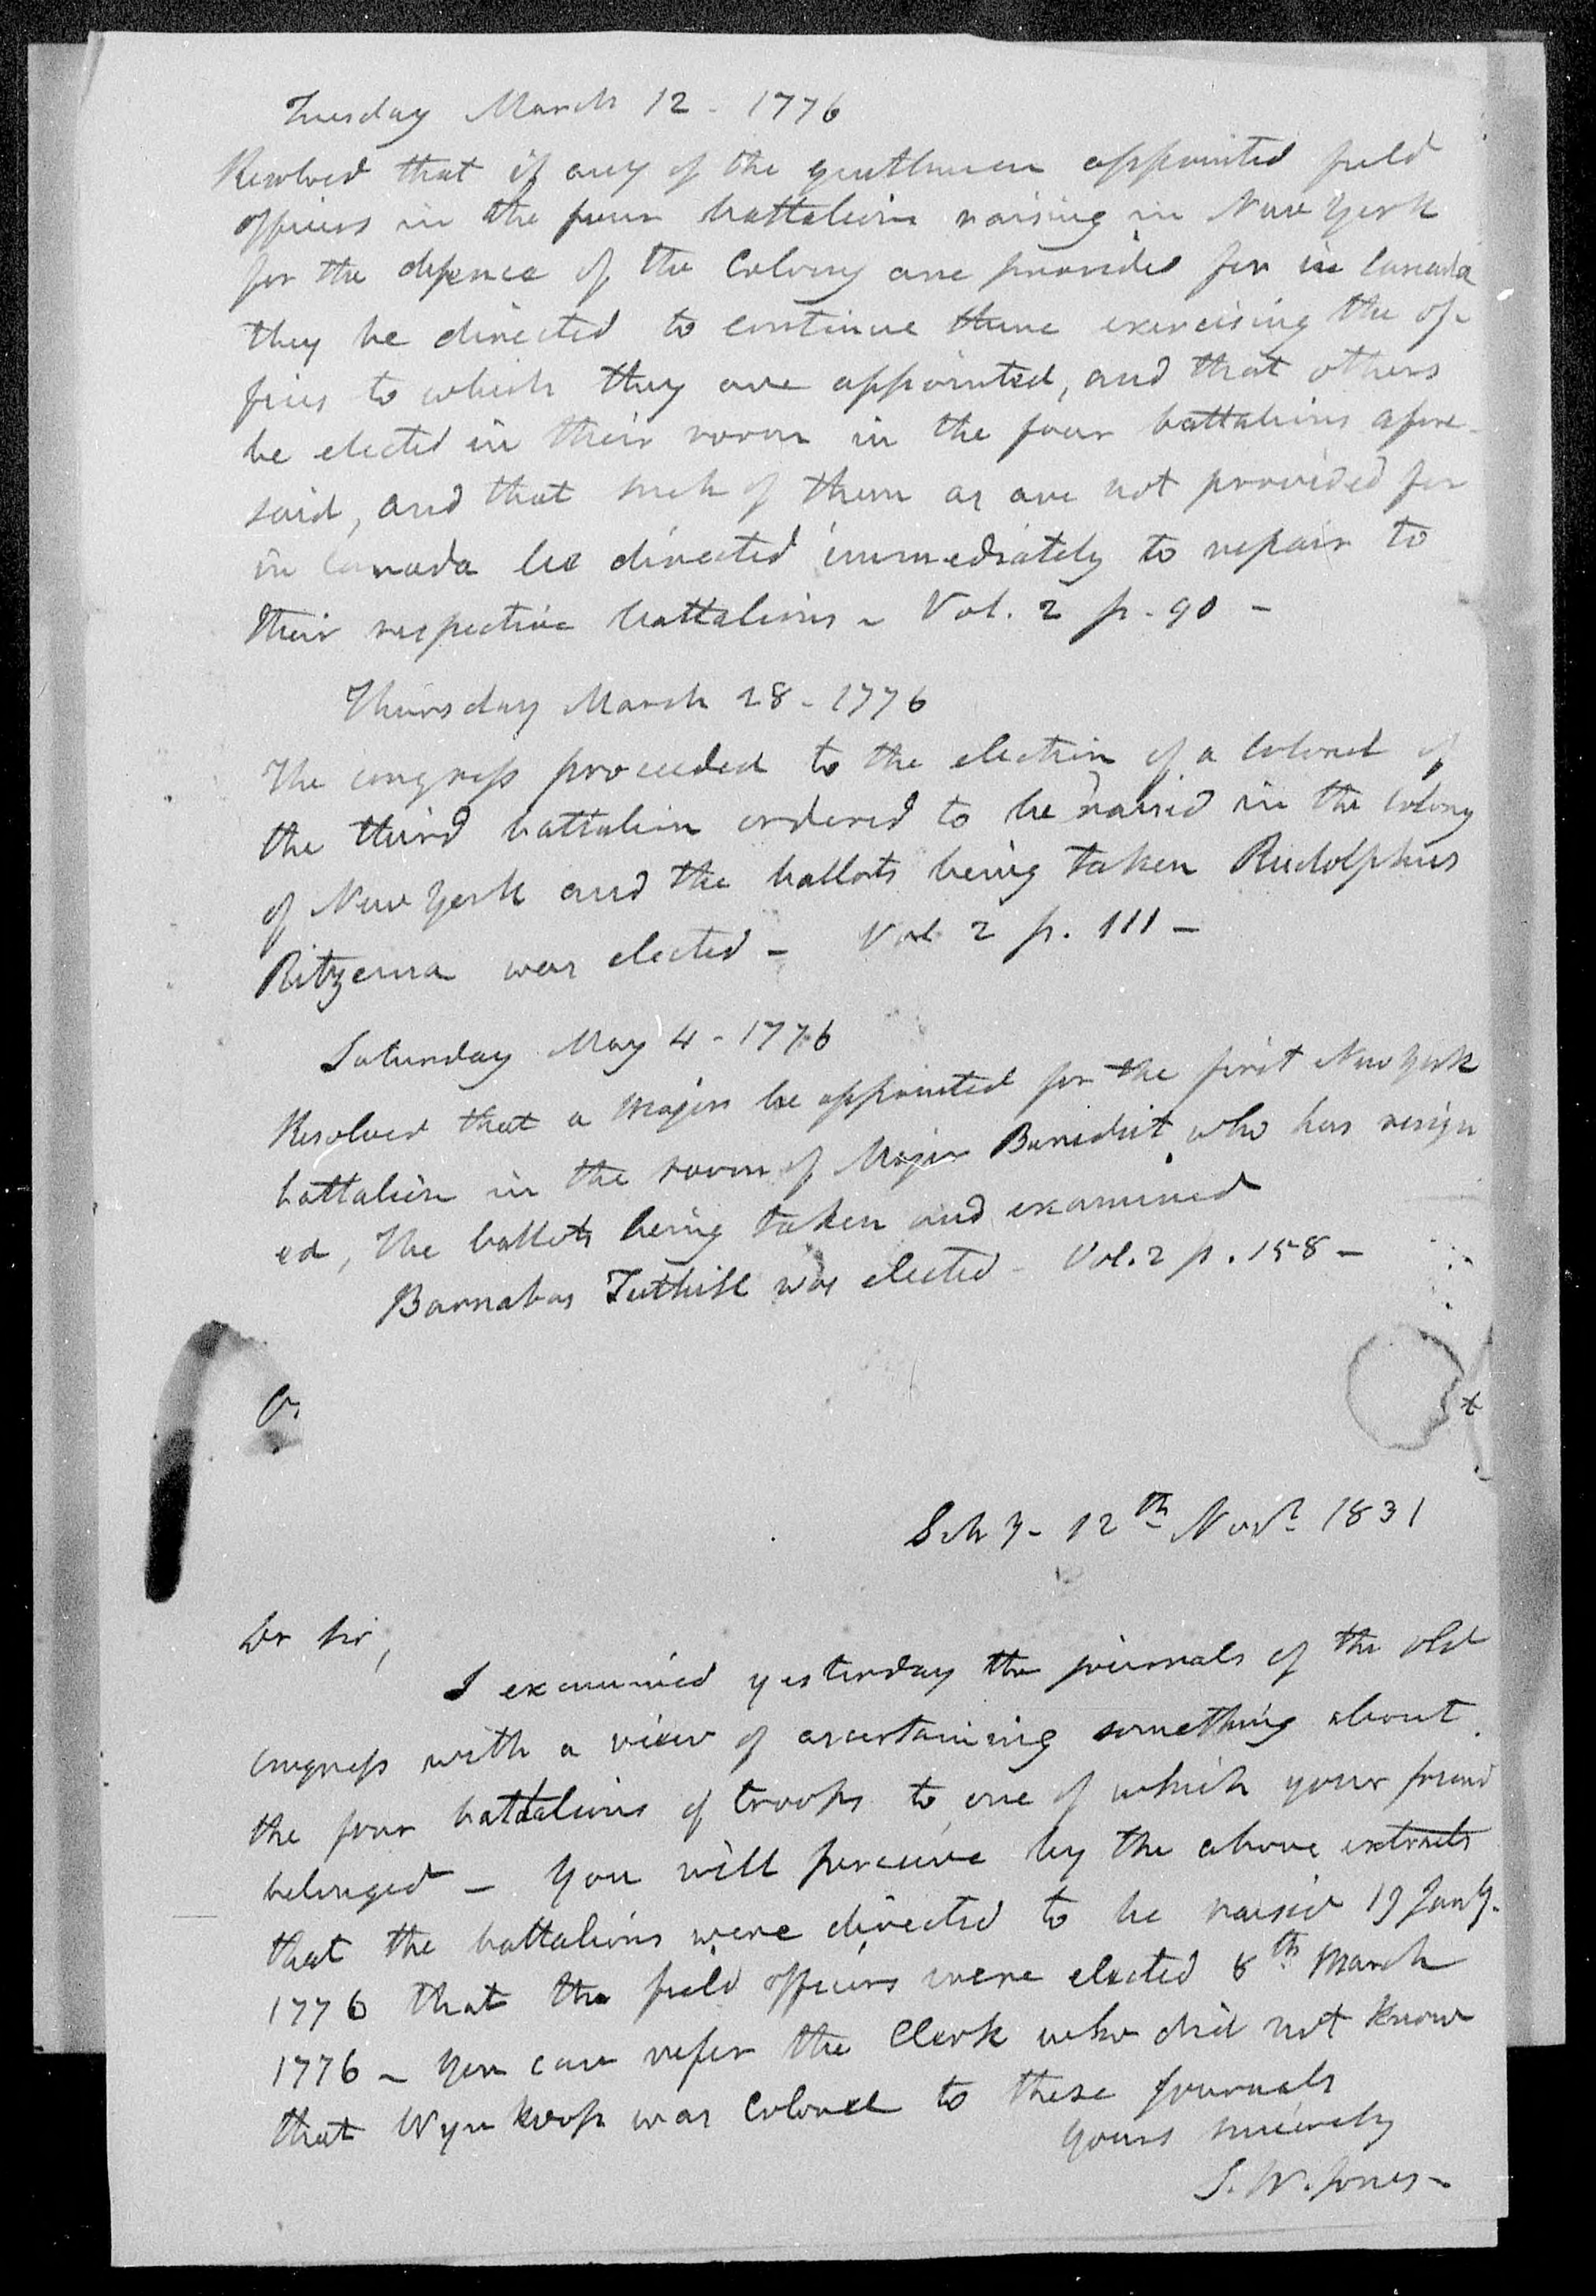Tuesday March 12 1776 
Resolved that if any of the gentlemen appointed field officers in the four battalions raising in New York for the defense of the Colony are provided for in Canada they be directed to continue there exercising the offices to which they are appointed, and that others be elected in their room in the four battalions aforesaid, and that much of them as are not provided for in Canada be directed immediately to repair to their respective battalions- Vol. 2. p. 90

Thursday March 28 1776
The congress proceeded to the election of a Colonel of the third battalion ordered to be raised in the Colony of New York and the ballots being taken Rudolphus Ritzema was elected. vol 2 p. 11

Saturday May 4 1776
Resolved that a Major be appointed for the first New York battalion in the form of Major Benedict who has resigned, the ballot being taken and examined. 
Barnabus Tuthill was elected
Vol. 2. p. 158. 

Schy 12th Nov 1831

Dr Sir, 
I examined yesterday the journals of the old congress with a view of ascertaining something about the four battalions of troops to one of which your friend belonged. You will perceive by the above extracts that the battalions were directed to be raised 19 Jany 1776 that the field officers were elected 8th March 1776. You can refer the clerk who did not know that Wynkoop was Colonel to these journals. 
Yours sincerely, 
S.W. Jones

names: [BLANK] Wynkoop; [BLANK] Benedict; S W Jones; Barnabas Tuthill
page: 37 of 40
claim: widow's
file: W. 21876, for Christian Osterman, New York